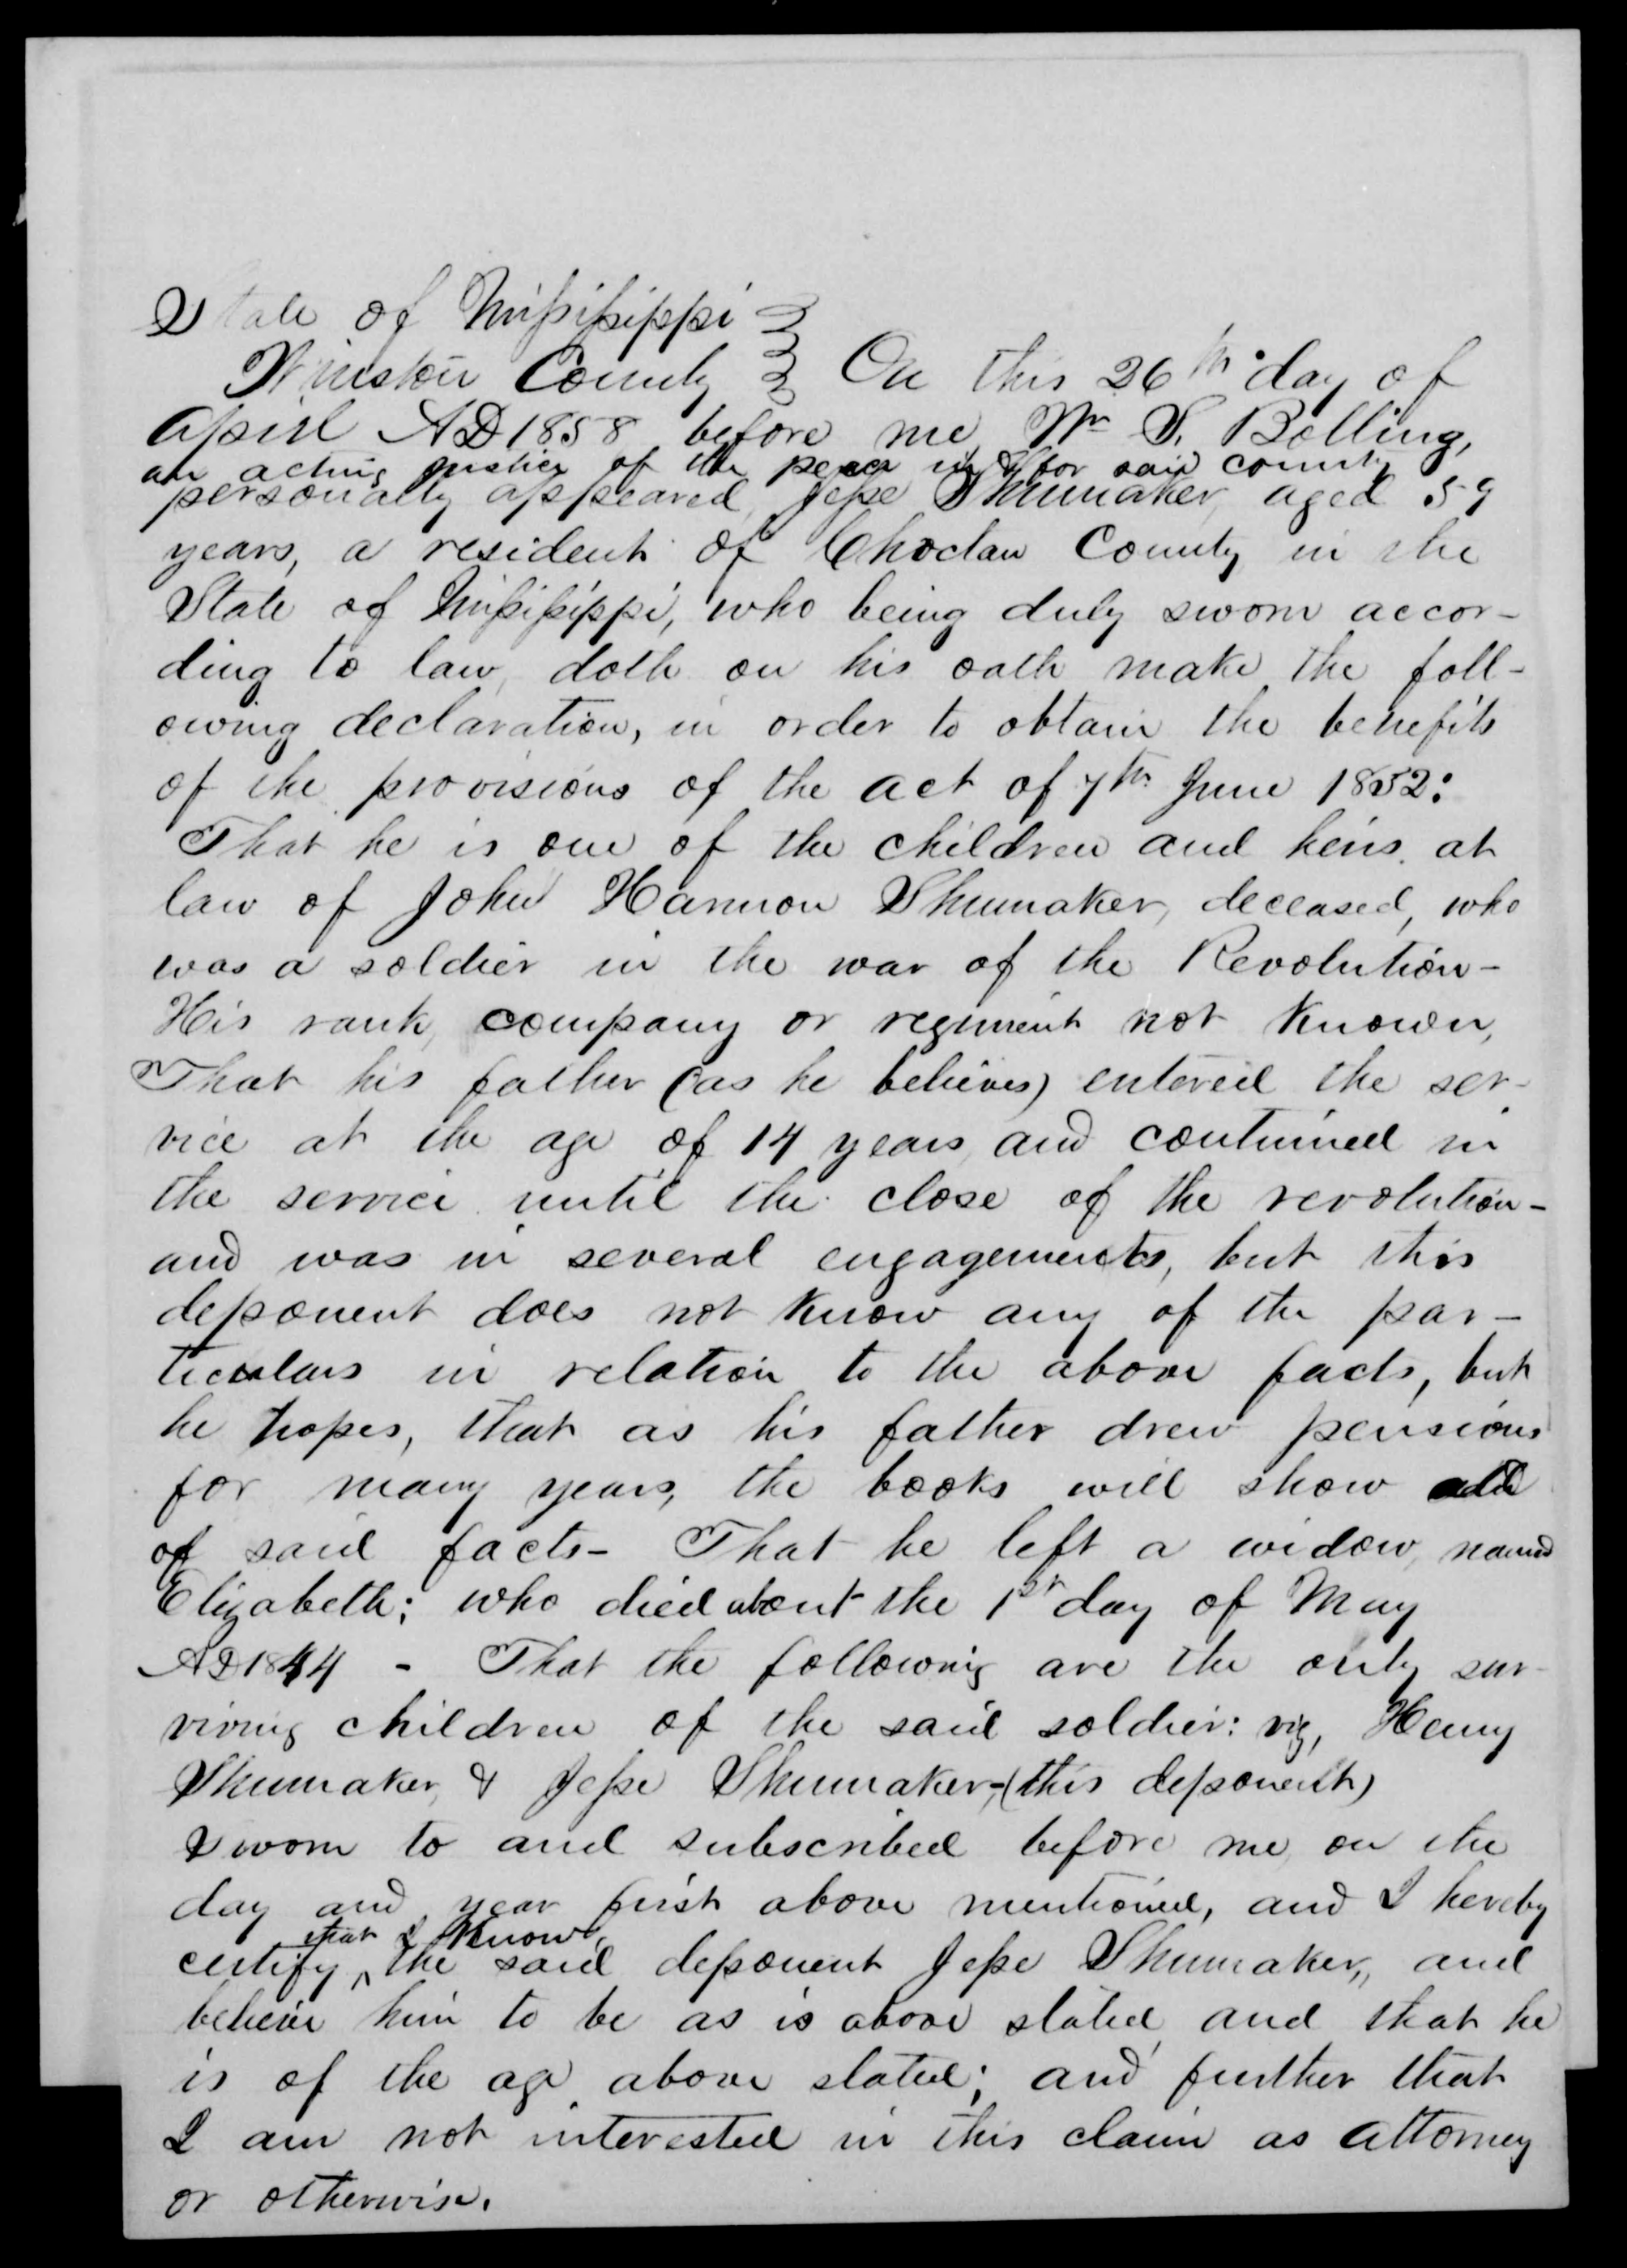State of Mississippi
Winston County   On this 26th day of
April AD 1858 before me Wm S. Bolling,
an acting Justice of the peace in & for said County
personally appeared Jesse Shumaker, aged 59
years, a resident of Choctaw County in the
State of Mississippi, who being duly sworn according
to law, doth on his oath make the following
declaration, in order to obtain the benefits
of the provisions of the act of 7th June 1832:
That he is one of the children and heirs at
law of John Harmon Shumaker, deceased, who
was a soldier in the war of the Revolution -
His rank, company or regiment not known,
That his father (as he believes) entered the service
at the age of 14 years and continued in
the service until the close of the revolution
and was in several engagements, but this
deponent does not know any of the particulars
in relation to the above facts, but
he hopes, that as his father drew pensions
for many years, the books will show all
of said facts - That he left a widow, named
Elizabeth; who died about the 1st day of May
AD 1844 - That the following are the only surviving
children of the said soldier; viz, Henry
Shumaker, & Jesse Shumaker (this deponent)
Sworn to and subscribed before me on the
day and year first above mentioned, and I hereby
certify that I know the said deponent Jesse Shumaker, and
believe him to be as is above stated and that he
is of the age above stated; and further that
I am not interested in this claim as attorney
or otherwise.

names: John Harmon Shumaker; Elizabeth [BLANK]; Jesse Shumaker; S Bolling; Henry Shumaker; Jesse Shumaker; Jesse Shumaker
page: 6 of 20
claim: survivor's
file: S. 32512, for Harmon Shumaker, Maryland